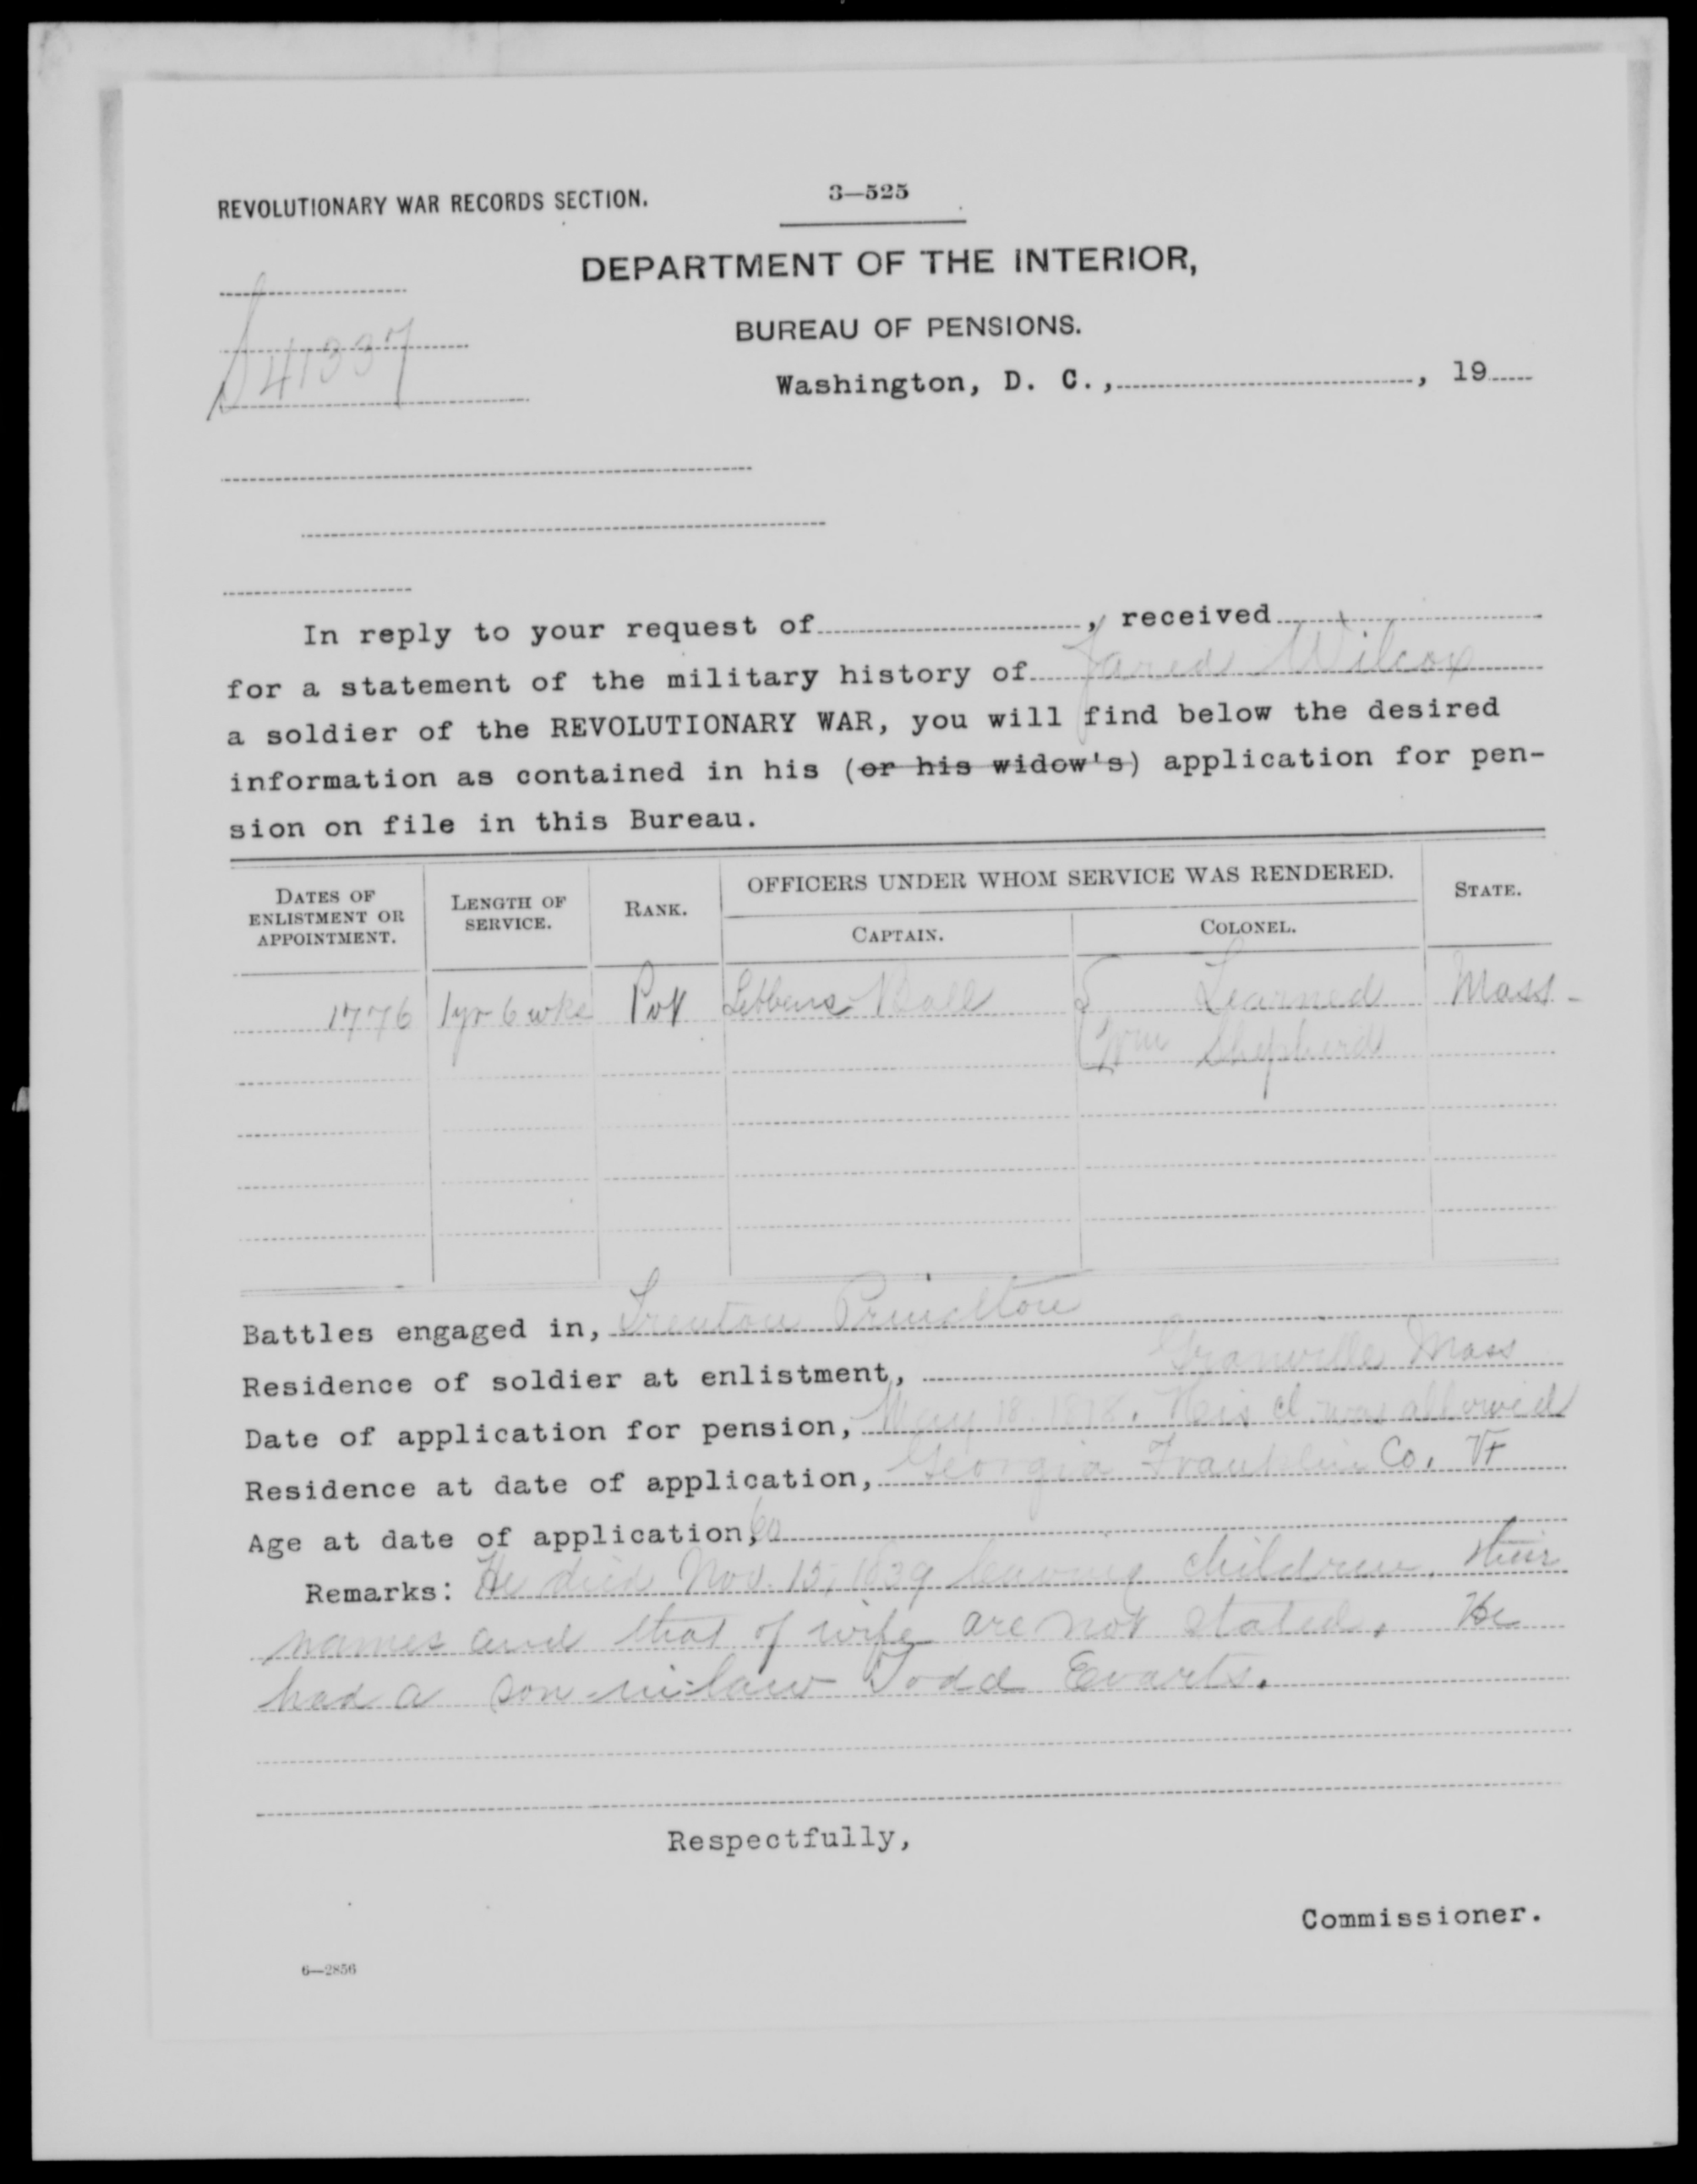REVOLUTIONARY WAR RECORDS SECTION.  3-525

DEPARTMENT OF THE INTERIOR,
BUREAU OF PENSION.
Washington, D. C. , ----------,  19 ----

S41337

In reply to your request of -----, received -------
for a statement of the military history of Jared Wilcox
a soldier of the REVOLUTIONARY WAR, you will find below the desired
information as contained in his (or his widow's) (crossed out) application for
pension on file in this Bureau.


[TABLE]

(Column 1)  DATES OF ENLISTMENT OR APPOINTMENT.

(Column 2)  LENGTH OF SERVICE.

(Column 3)  RANK.

(Column 4)  OFFICERS UNDER WHOM SERVICE WAS RENDERED.
CAPTAIN.   COLONEL.

(Column 5)  STATE.

(Row 1)  1776  1 yr 6 wks   Pvt   Lebbeus Ball   { Learned     Mass.

(Row 2)  { Wm Shepherd


Battles engaged in,  Trenton  Princeton

Residence of soldier at enlistment,  Granville Mass

Date of application for pension,  May 18 1818.  His cl. was allowed

Residence at date of application,  Georgia Franklin Co.  Vt

Age at date of application,  60

Remarks:  He died Nov. 15, 1839 leaving children. Their
names and that of wife are not stated. He
had a son-in-law Todd Evarts.

Respectfully,
(blank)
Commissioner.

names: Wm Shephard, Todd Evarts, James Wilcox, Learned, Lebbeus Hall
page: 31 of 34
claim: survivor's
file: S. 41337, Jared Wilcox, Continental Mass.